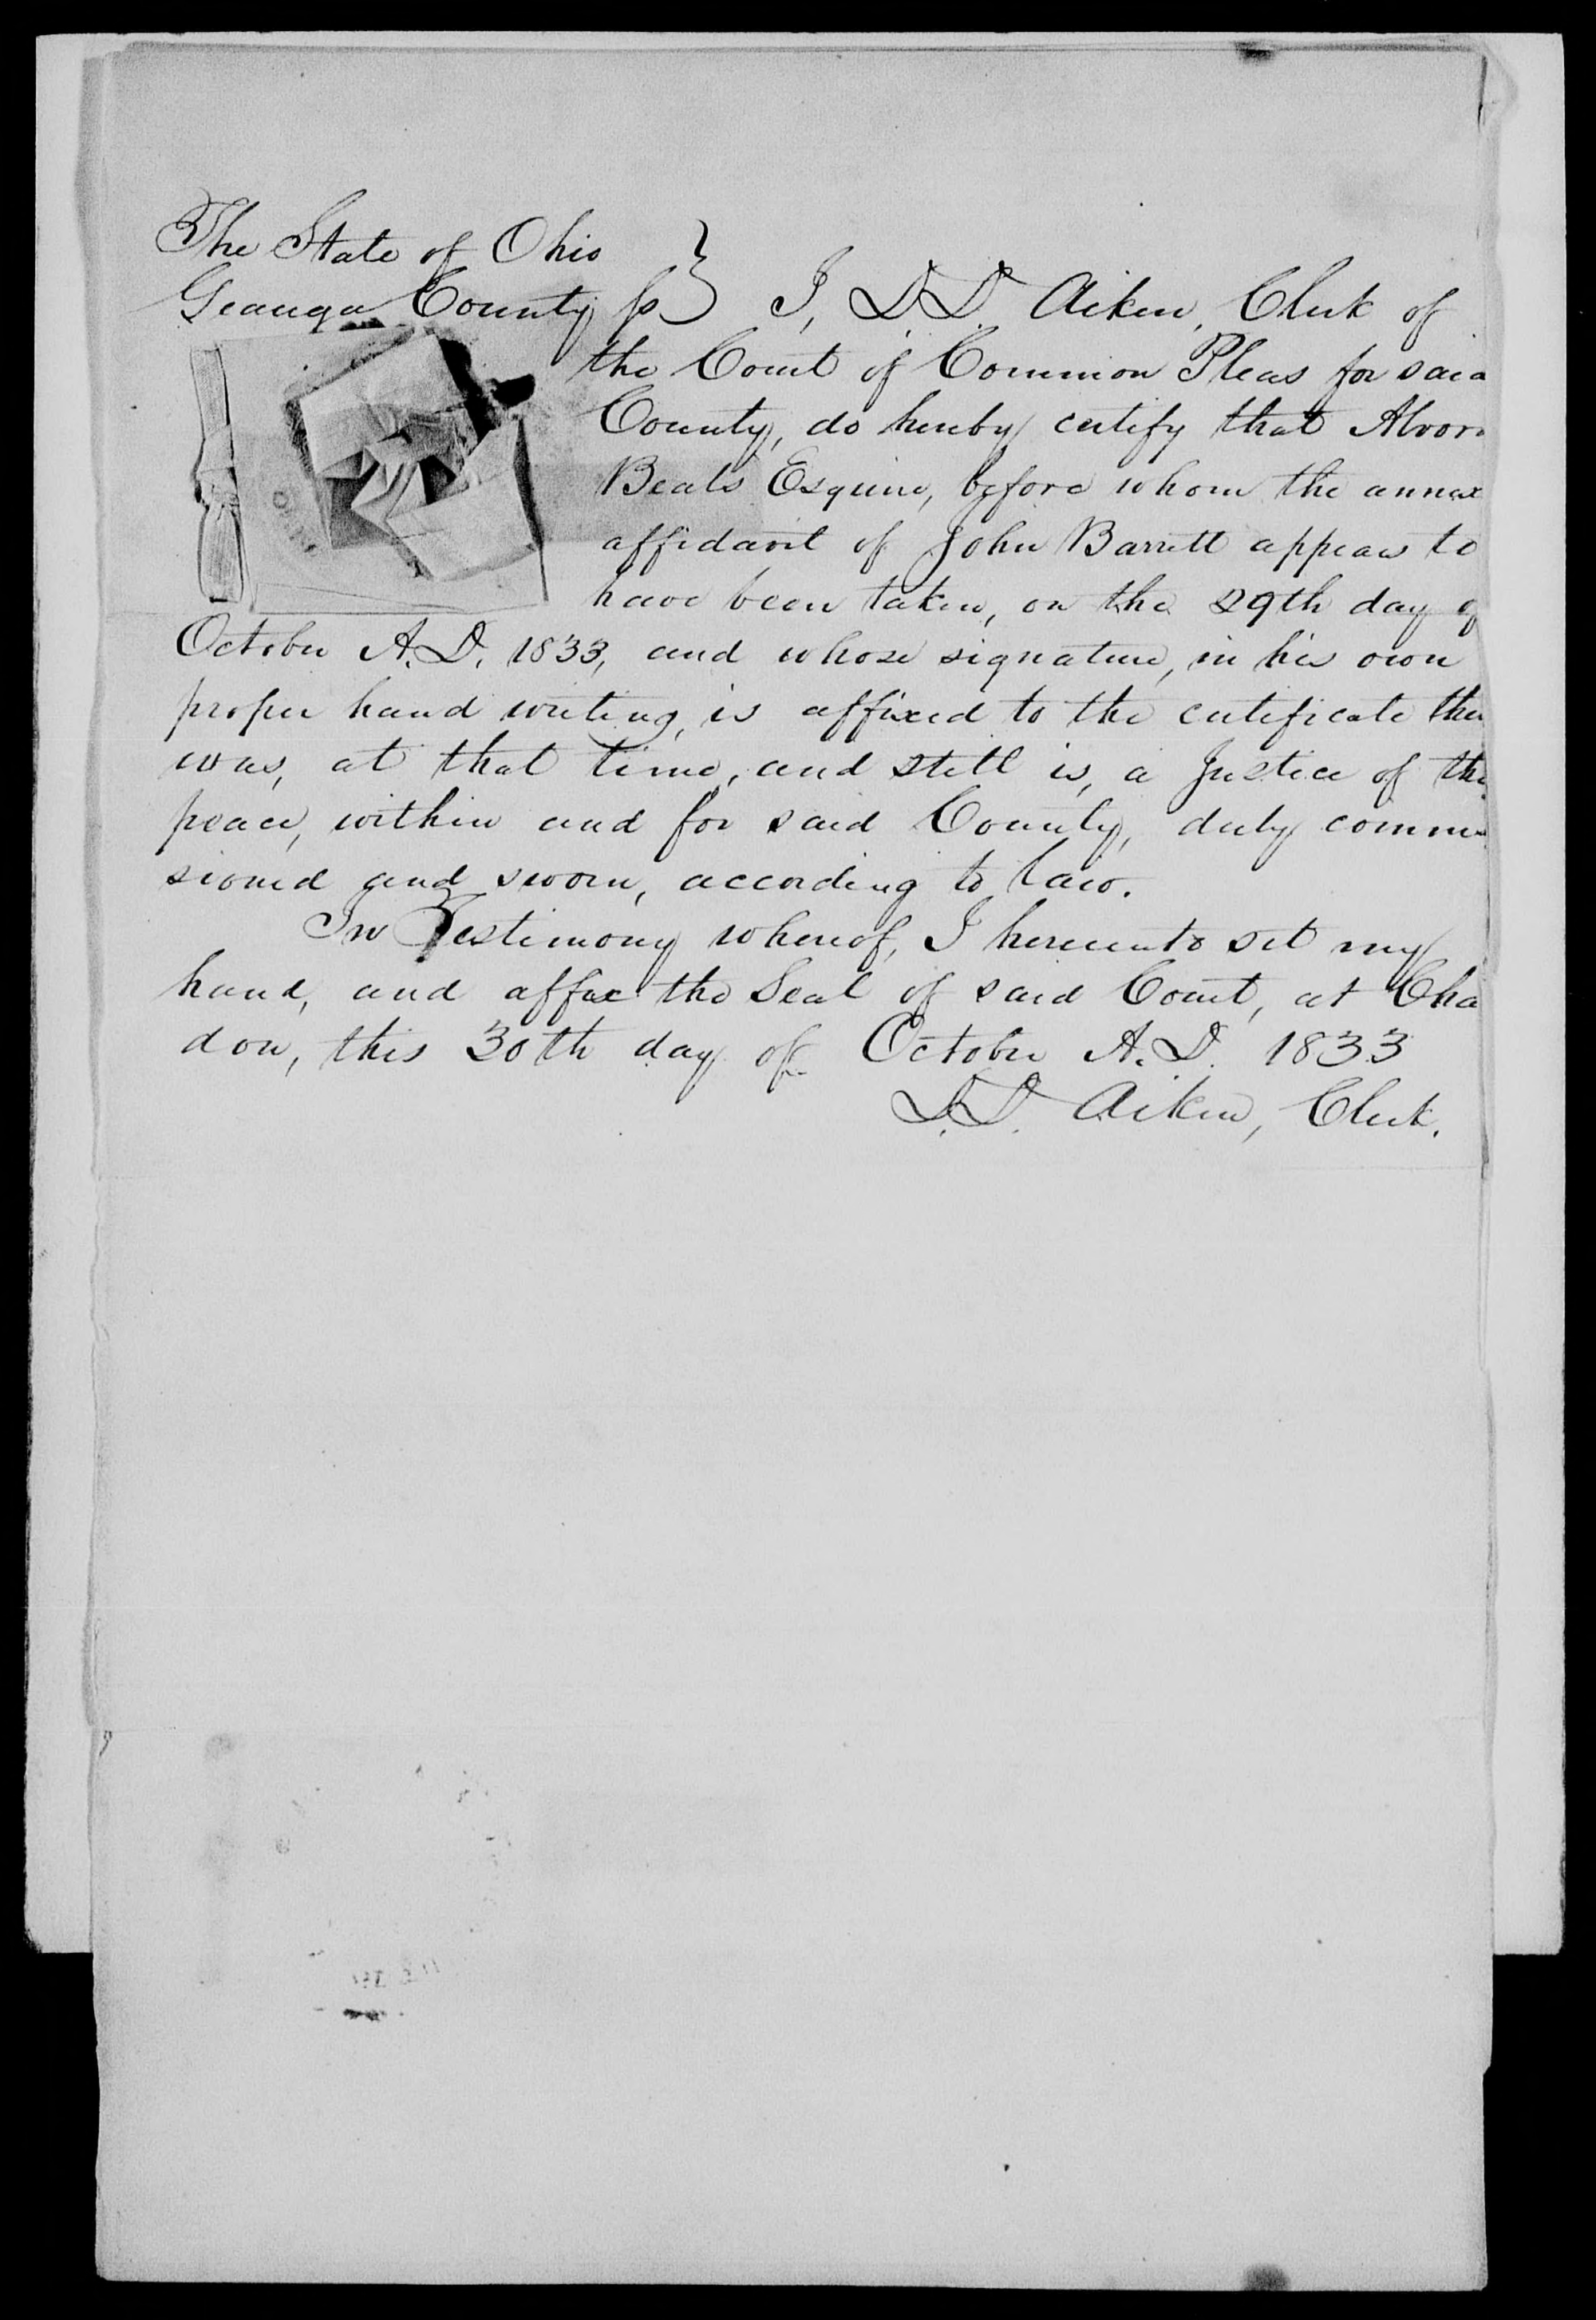The State of Ohio
Geauga County ss}

I DD Aiken, Clerk of the Court of Common Pleas for said County, do hereby certify that Alvora Beals Esquire, before whom the annax [folded over] affidavit of John Barnett appears to have been taken, on the 29th day of October A.D. 1833, and whose signature, in his own proper hand writing, is affixed to the certificate that was, at that time, and still is, a Justice of the Peace, within and for said County, duly comm. signed and sworn, according to law.

In testimony whereof, I here to set my hand, and affix the Seal of said Court, at Chadow, this 30th day of October A.D. 1833

D.D. Aiken, Clerk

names: Alvoro Beals, John Barrett, D D Aiken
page: 102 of 144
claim: rejected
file: R. 5208, Dennis Hopkins, N.C.